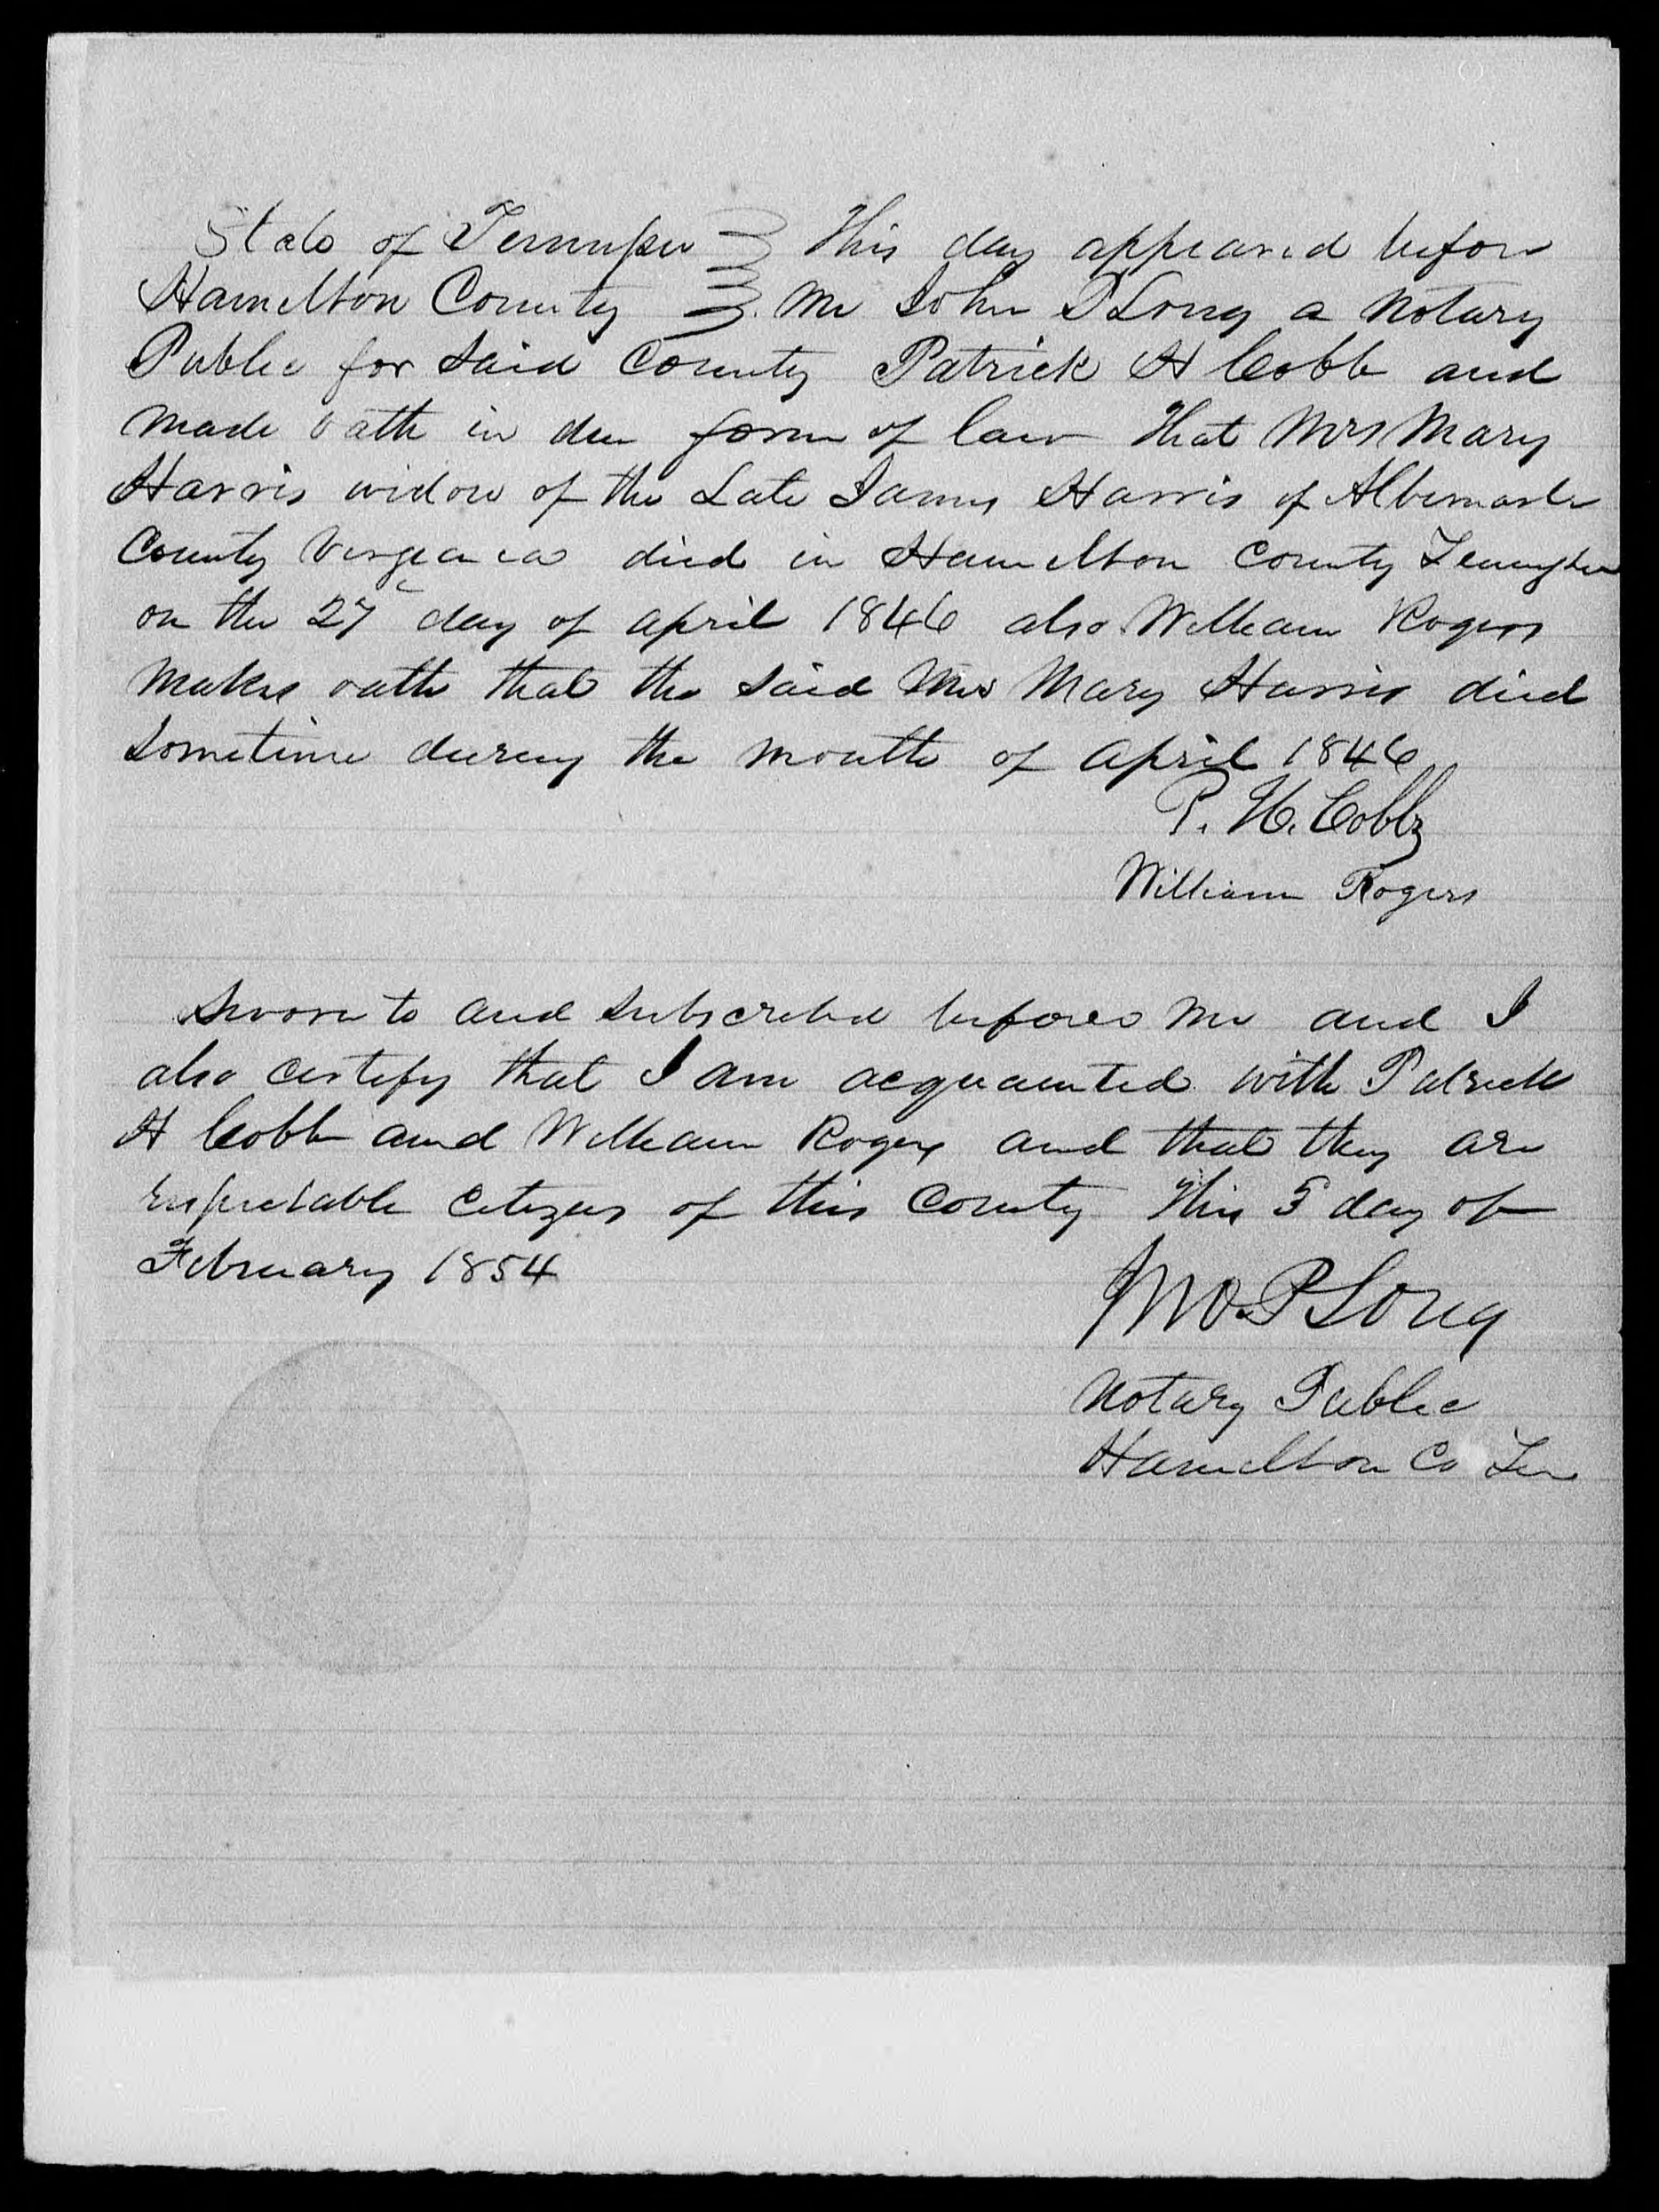State of Tennessee }
Hamilton County    }

This day appeared before me John P Long a notary Public for said county Patrick H. Cobb and made oath in the form of law that Mrs. Mary Harris widow of the Late James Harris of Albemarle County Virginia died in Hamilton County Tennessee on the 27th day of April 1846  also William Rogers makes oath that the said Mrs Mary Harris died sometime during the month of April 1846.
P. H. Cobb
William Rogers

Sworn to and subscribed before me and I also certify that I am acquainted with Patrick H. Cobb and William Rogers and that they are respectable citizens of the county this 3 day of February 1854
Jno P Long
Notary Public
Hamilton Co Ten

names: Patrick H Cobb, John P Long, James Harris, William Rogers, Jno P Long, Mary Harris, P H Cobbs, Patrick H Cobb, William Rogers, Mary Harris, William Rogers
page: 133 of 160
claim: rejected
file: R. 4666, James Harris, Va.